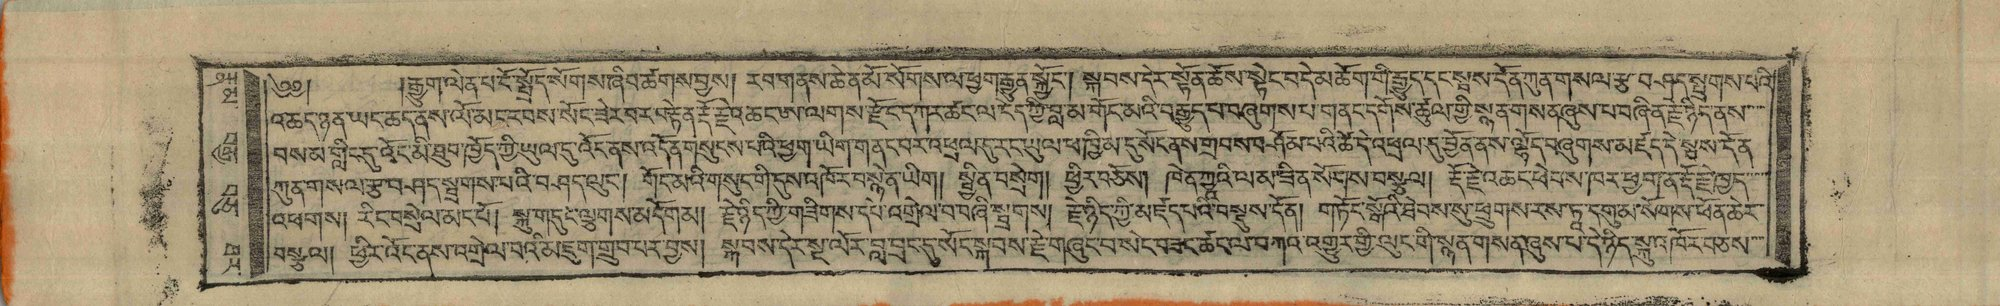༄༅། །རྒྱུག་ལེན་པ་ངོ་སྤྲོད་སོགས་ཞིབ་ཚགས་བྱས། རབ་གནས་ཆེན་མོ་སོགས་ལ་ཕྱག་རྒྱུན་སྐྱོང་། སྐབས་དེར་སྟོན་ཆོས་སྟེང་བདེ་མཆོག་གི་རྒྱུད་དང་སྦས་དོན་ཀུན་གསལ་རྩ་བཤད་སྤྲགས་པའི་
འཆད་ཉན་ཡང་ཆད་ནས་ལོ་མང་རབས་སོང་ཟེར་བར་བརྟེན་རྡོ་རྗེ་འཆང་ཨ་ལགས་རྫོང་དཀར་ཚང་ལ་ངེད་ཀྱི་བླ་མ་གོང་མའི་བརྒྱུད་པ་བཞུགས་པ་གནང་དགོས་ཚུལ་གྱི་སྙན་གསན་ཞུས་པ་བཞིན་རྗེ་ཉིད་ནས་
བསམ་གླིང་དུ་འོང་མི་ཐུབ་ཁྱོད་ཀྱི་ཡུལ་དུ་འོང་ནས་འདོན་གསུངས་པའི་ཕྱག་ཡིག་གནང་བར་འཕྲལ་དུ་རང་ཡུལ་ཕ་ཁྱིམ་དུ་སོང་ནས་གྲབས་བཤོམ་པའི་ཚེ་དེ་འཕྲལ་དུ་བྱོན་ནས་ལྷོད་བཞུགས་མཛད་དེ་སྦས་དོན་
ཀུན་གསལ་རྩ་བཤད་སྦྲགས་པའི་བཤད་ལུང་། གོང་མའི་གསུང་གི་དུས་འཁོར་བསྙེན་ཡིག །སྦྱིན་བསྲེག །ཕྱིར་བཅོས། ཁེན་ཀྱཱའི་ལམ་ཟིན་སོགས་བསྩལ། རྡོ་རྗེ་འཆང་ཕེབས་ཁར་ཕྱག་ན་རྡོ་རྗེ་ཁྱད་
འཕགས། རིང་བསྲེལ་མང་པོ། སྐུ་གདུང་ལྕགས་མདོག་མ། རྗེ་ཉིད་ཀྱི་གཟིགས་དཔེ་འགྲེལ་བ་བཞི་སྦྲགས། རྗེ་ཉིད་ཀྱི་མཛད་པའི་བསྡུས་དོན། གཏོང་སྒོའི་ཐེབས་སུ་ཕྲུགས་རས་ཏཱ་དགུ་མ་སོགས་ཕོན་ཆེར་
བསྩལ། ཕྱིར་འོང་ནས་འགྲེལ་བའི་མཇུག་གྲུབ་པར་བྱས། སྐབས་དེར་སྔ་ལོར་བླ་བྲང་དུ་སོང་སྐབས་རྗེ་གཞུང་བ་སེང་བཟང་ཚང་ལ་བཀའ་འགྱུར་གྱི་ལུང་གི་སྙན་གསན་ཞུས་པ་དེ་ཉིད་སྐུ་འཁོར་བཅས་